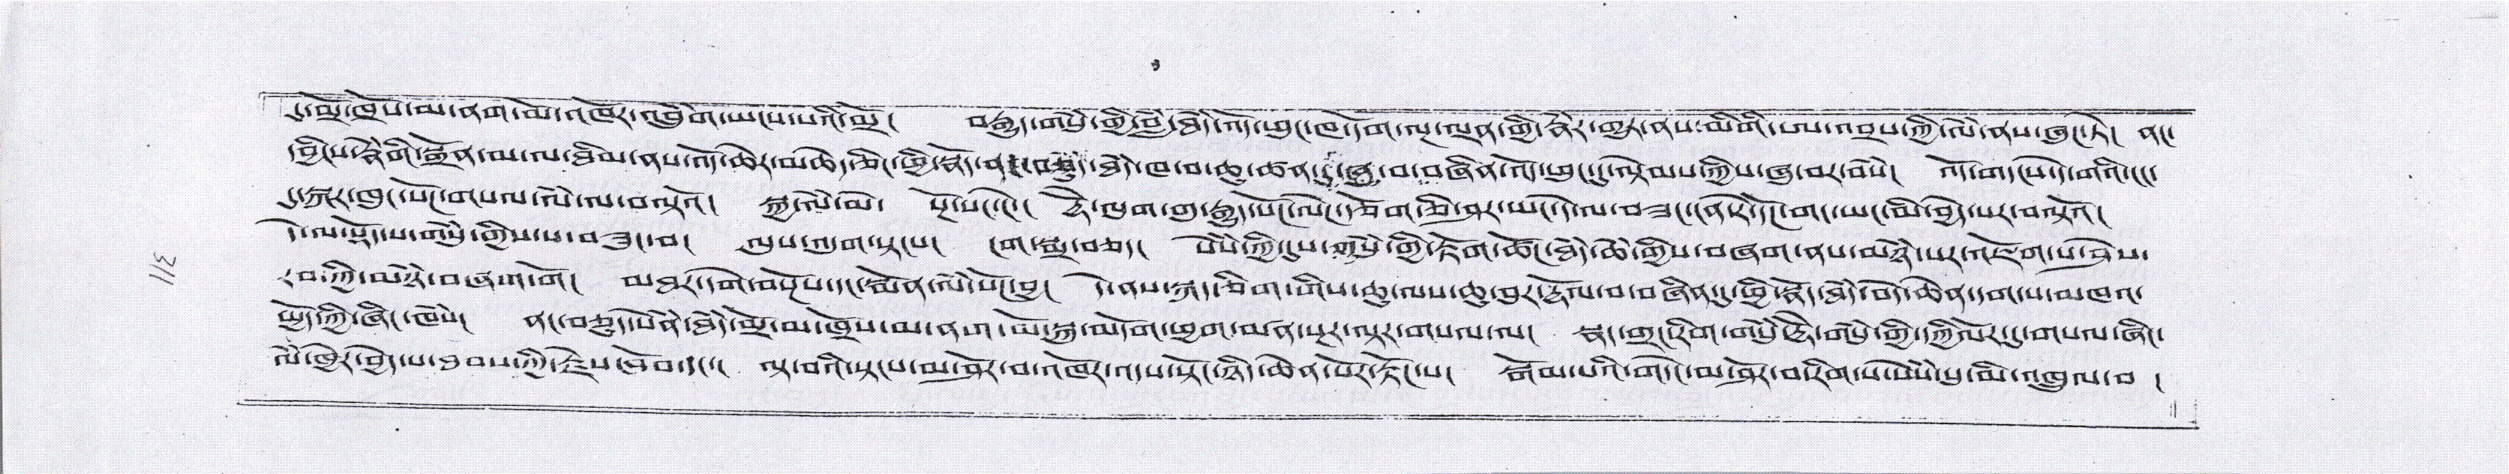དུ་མཁའ་འགྲོ་ཁྲོས་མ་ནག་མོ་འཁོར་འབུམ་ཕྲག་ཡངས་པའི་མཁའ་འགྲོ། བརྒྱུད་གསུམ་གྱི་བླ་མ་ཐམས་ཅད་འོད་ཕུང་ཁ་དོག་ལྔ་ལྡན་གྱི་རྣམ་པར་གྱུར་ནས་མིག་གི་ཨ་འབྲས་ཀྱི་ལམ་ནས་བཞུགས་ཏེ། ནང་
དབྱིངས་རྣམ་དག་གི་སྒྲོན་མ་ལ་ཐིམ་ནས་འོད་ཆེར་མཆེད་ཅིང་ཕྱིས་སྣོད་ནང་བཅུད་ཐམས་ཅད་ཁ་བ་ཆུ་ཚན་དུ་ཞུ་བ་བཞིན་འོད་ཕུང་དུ་ལྟེམས་ཀྱིས་ཞུ་བར་བསམ། འོད་གདངས་དེ་དགའི་ངང་
དུ་སྐར་ཁུང་སོགས་གསལ་ལམ་ལ་བལྟའོ། སྐྱ་ལམ་མེ། སྔོ་སང་ངེ། རྡོ་རྗེ་ལུག་གུ་རྒྱུད་སོགས་ལེགས་རྩོག་ཅི་ཤར་ཡང་དེ་ལ་བཟང་ངན་རེ་དོགས་གང་ཡང་མི་བྱེད་པར་བལྟའོ། 
དེ་ལ་སྡོད་པ་གསུམ་གྱིས་ས་བཟུང་བ། ལུས་འདུག་སྟངས། ངག་སྨྲ་བཅད། སེམས་ཀྱི་དུས་གསུམ་གྱི་རྟོག་ཚོགས་ཐམས་ཅད་ཆམ་གྱིས་བཞག་ནས་མཉམ་པར་འཇོག་པ་ཤེས་
རབ་ཀྱི་མཉམ་བཞག་གོ། མཐར་དགེ་བསྔོས་དང་སྨོན་ལམ་སོགས་བྱུང། དེ་ནས་སྐད་ཅིག་གིས་ཆུས་ལས་ཆུ་བུར་རྡོལ་བ་བཞིན་དུ་ཕྱི་སྣོད་ཐམས་ཅད་བདེ་ཆེན་དག་པ་མཁའ་
སྤྱོད་ཀྱི་ཞིང་ཁམས། ནང་བཅུད་སེམས་ཅན་ཐམས་ཅད་མཁའ་འགྲོ་མ་ཁྲོས་མ་ནག་མོ་སྐུ་མདོག་ཕྱག་མཚན་སྔར་ལྟར་གསལ་ལ། སྣང་གྲགས་རིག་གསུམ་རྡོ་རྗེ་གསུམ་གྱི་དཀྱིལ་འཁོར་དུ་གསལ་ཞིང་
ལམ་ཁྱེར་བྱེད་པ་ཐབས་ཀྱི་རྗེས་ཐོབ་དང། ལྟ་བའི་སྟངས་མ་ཤོར་བ་འཁོར་འདས་སྟོང་ཉིད་ཆེན་པོར་རྟོགས་པ། སྒོམ་པའི་གདེང་མ་ཤོར་བ་རིག་པ་སེམས་སུ་མི་འཁྲུལ་བ།